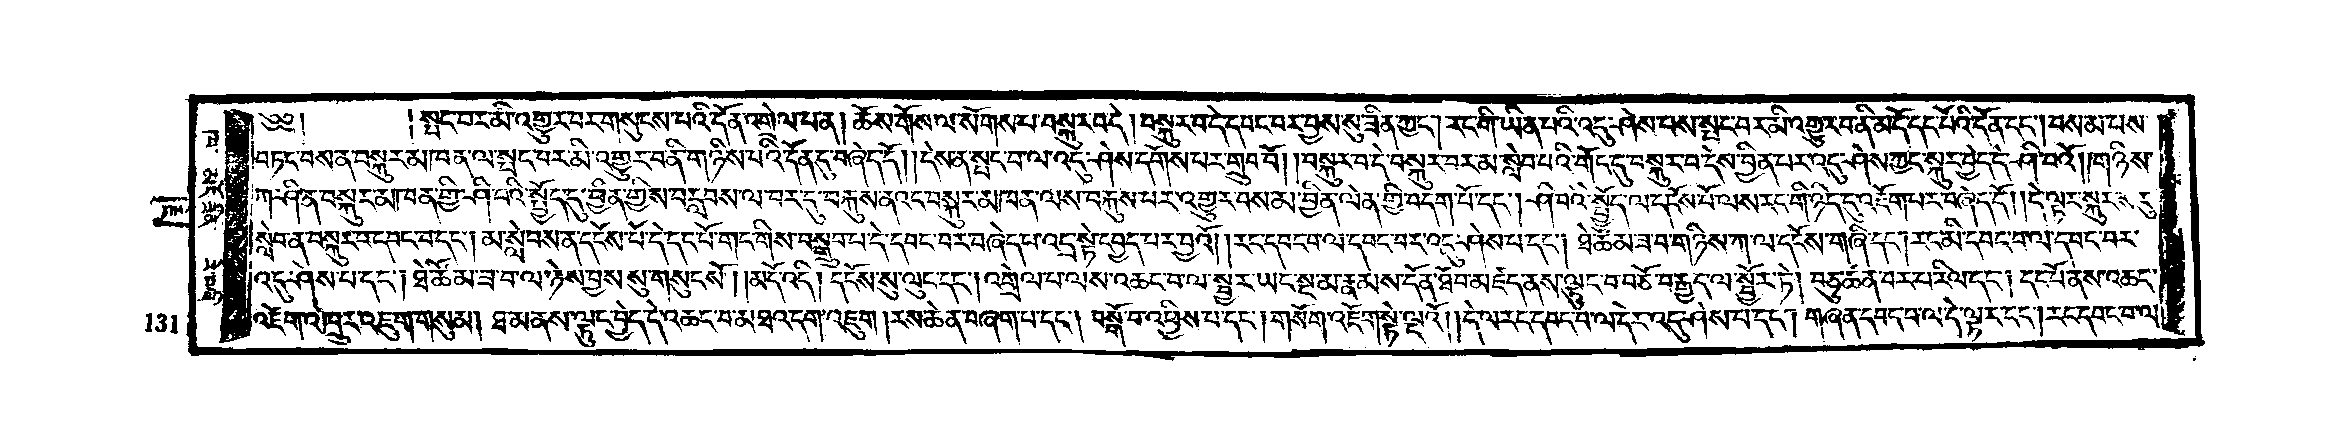༄༅། །སྤངས་བ་རྨི་འགྱུར་བར་གསུངས་པའི་དོན་འགྲེལ་པ་ན། ཆོས་གོས་ལ་སོགས་པ་བསྐུར་བ་དེ། བསྐུར་བ་དེ་དབང་བར་བྱས་སུ་ཟིན་ཀྱང་། རང་གི་ཡིན་པའི་འདུ་ཤེས་པས་སྤང་བར་མི་འགྱུར་བ་ནི་མདོ་དང་པོའི་དོན་དང་། བསམ་པས་
བཏང་བས་ན་བསྐུར་མཁན་ལ་སྤང་བར་མི་འགྱུར་བ་ནི་གཉིས་པའི་དོན་དུ་བཞེད་དོ། །དེས་ན་སྤང་བ་ལ་འདུ་ཤེས་དགོས་པར་གྲུབ་བོ། །བསྐུར་བ་དེ་བསྐུར་བར་མ་སླེབ་པའི་གོང་དུ་བསྐུར་བ་དེས་བྱིན་པར་འདུ་ཤེས་ཀྱང་སྐུར་བྱེད་དེ་ཤི་བའོ། །གཉིས་
ཀ་ཤི་ན་བསྐུར་མཁན་གྱི་ཤི་བའི་སྤྱོད་དུ་བྱིན་གྱིས་བརླབས་ལ་བར་དུ་བརྐུས་ནའང་བསྐུར་མཁན་ལས་བརྐུས་པར་འགྱུར་བསམ་བྱིན་ལེན་གྱི་བདག་པོ་དང་། ཤི་བའི་སྤྱོད་ལ་དངོས་པོ་ལས་རང་གི་ཉིད་དུ་འཇོག་པར་བཞེད་དོ། །དེ་ལྟར་སྐུར་ས་རུ་
སླེབ་ན་བསྐུར་བ་དབང་བ་དང་། མ་སླེབས་ན་དངོས་པོ་དེ་དང་པོ་གང་གིས་བསྒྲུབ་པ་དེ་དབང་བར་བཞེད་པ་འདྲ་སྟེ་དབྱད་པར་བྱའོ། །རང་དབང་བ་ལ་དབང་བར་འདུ་ཤེས་པ་དང་། ཐེ་ཚོམ་ཟ་བ་གཉིས་ཀ་ལ་དངོས་གཞི་དང་། རང་གི་དབང་བ་ལ་དབང་བར་
འདུ་ཤེས་པ་དང་། ཐེ་ཚོམ་ཟ་བ་ལ་ཉེས་བྱས་སུ་གསུངས་སོ། །མོད་འདི། དངོས་སུ་ལུང་དང་། འགྲེལ་པ་ལས་འཆང་བ་ལ་སྦྱར་ཡང་སྔ་མ་རྣམས་དོན་ཐོབ་མཛད་ནས་ལྟུང་བ་བཅོ་བརྒྱད་ལ་སྦྱོར་ཏེ། བཅུ་ཚན་བ་པ་རིལ་དང་། དང་པོ་ནས་འཆང་
འཇོག་འཁྲུར་འཇུག་གསུམ། ཐ་མ་ནས་ལྟུང་བྱེད་དེ་འཆང་བ་མཐའ་དག་འཇུག །རས་ཆེན་བཞག་པ་དང་། བསོག་བ་འཕྱིས་པ་དང་། གསོག་འཇོག་སྟེ་ལྔའོ། །དེ་ལ་རང་དབང་བ་ལ་དེར་འདུ་ཤེས་པ་དང་། གཞན་དབང་བ་ལ་དེ་ལྟར་དང་། རང་དབང་བ་ལ་